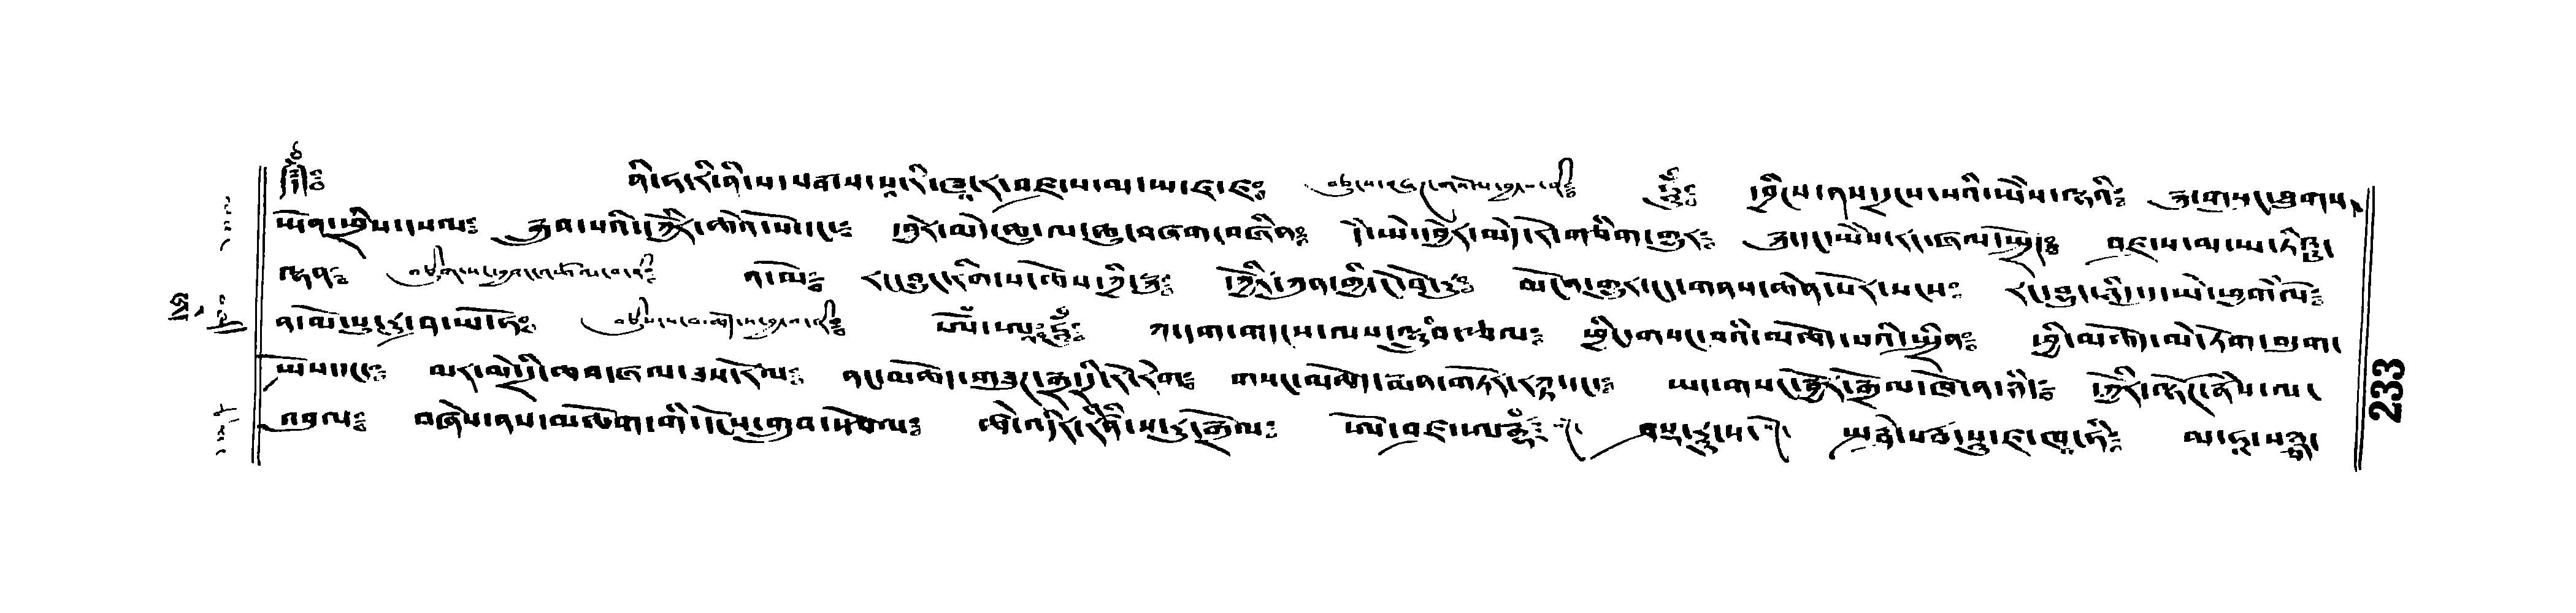ནི་ཧ་རི་ནི་ས་སརྦ་ས་པཱ་རི་ཝཱ་ར་བཛྲ་ས་མ་ཡ་ཛ་ཛཿ བཅུ་པ་བཞུགས་གསོལ་བྱ་བ་ནི༔ ཧཱུྃ༔ དབྱིངས་ནས་དྲངས་པའི་ཡེ་ཤེས་ལྷའི༔ སྐུ་གསུང་ཐུགས་
ཡོན་ཕྲིན་ལས་དཔལ༔ སྒྲུབ་པའི་དཀྱིལ་འཁོར་ཆེན་པོ་དང༔ དབྱེར་མེད་ཆུ་ལ་ཆུ་བཞག་བཞིན༔ དམ་ཡེ་དབྱེར་མེད་རོ་གཅིག་གྱུར༔ སྐུ་དང་ཡེ་ཤེས་རང་ཞལ་སྤྲོད༔ བཛྲ་ས་མ་ཡ་ཏིཥྛ་
ལྷན༔ བཅུ་གཅིག་པ་ཕྱག་འཚལ་བ་ནི༔ ན་མོ༔ རང་བྱུང་རིག་པ་ཆོས་ཀྱི་སྐུ༔ དཀྱིལ་འཁོར་ཀུན་གྱི་ངོ་བོ་རུ༔ མངོན་གྱུར་ངང་གནས་ཆེན་པོར་སངས༔ རང་བྱུང་ཉིད་དུ་ཡེ་ཕྱག་འཚལ་ལོ༔ 
ན་མོ་པུ་རུ་ཤ་ཡ་ཧོཿ བཅུ་གཉིས་པ་མཆོད་པ་བྱ་བ་ནི༔ ཨོཾ་ཨཱཿཧཱུྃ༔ ཀ་དག་གདངས་ལས་ལྷུན་གྲུབ་རྩལ༔ ཕྱི་ནང་གསང་བའི་མཆོད་པའི་སྤྲིན༔ ཕྱི་མཆོད་མེ་ཏོག་བདུག་
སྤོས་དང༔ མར་མེ་དྲི་ཆབ་ཞལ་ཟས་རོལ༔ ནང་མཆོད་གཟུགས་སྒྲ་དྲི་རོ་རེག༔ གསང་མཆོད་སྨན་གཏོར་རཀྟ་དང༔ ཡང་གསང་སྦྱོར་སྒྲོལ་ཁོ་ན་ཉིད༔ དཀྱིལ་འཁོར་ལྷ་ཚོགས་རྣམས་ལ་
འབུལ༔ བཞེས་ནས་མཆོག་གི་དངོས་གྲུབ་སྩོལ༔ ཚེ་འདིར་རིག་འཛིན་ས་རུ་སྒྲོལ༔ ཨོཾ་བཛྲ་ཨརྒྷཾ༴སོགས༔ ཤཔྡ་རཱུ་པ་སོགས༔ སྤརྴེ་སརྦ་པཱུ་ཛ་བཱ་ཧིཿ མ་ཧཱ་པཉྩ་